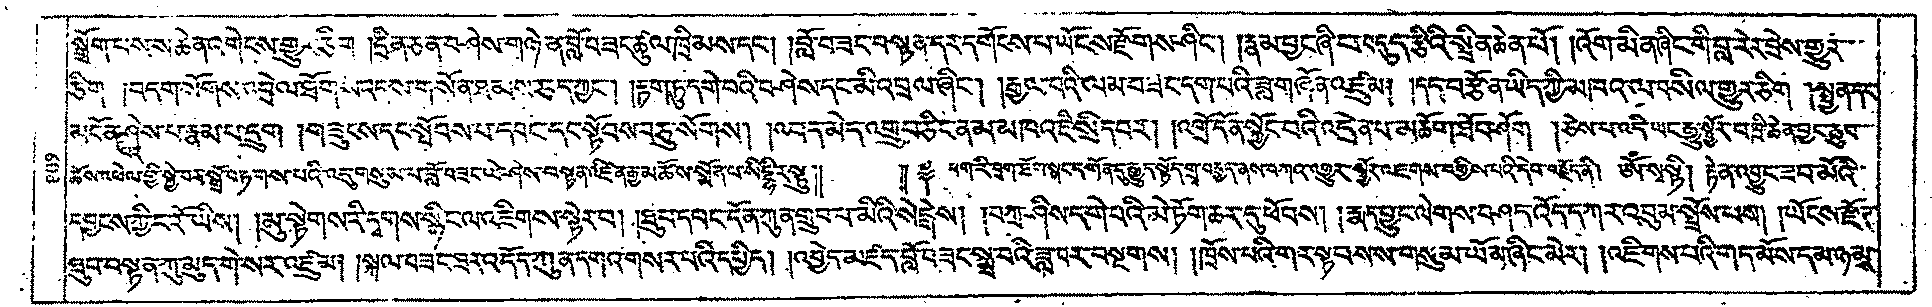སྒྲོག་པས་ས་ཆེན་འགེངས་གྱུར་ཅིག །དྲིན་ཅན་བཤེས་གཉེན་བློ་བཟང་ཚུལ་ཁྲིམས་དང་། །བློ་བཟང་བསྟན་དར་དགོངས་པ་ཡོངས་རྫོགས་ཤིང་། །རྣམ་བྱང་ཞི་བ་བདུད་རྩིའི་སྤྲིན་ཆེན་པོ། །འོག་མིན་ཞིང་གི་བླ་རེར་བྲེས་གྱུར་
ཅིག ༑བདག་སོགས་འབྲེལ་ཐོགས་འདས་གསོན་ཐམས་ཅད་ཀྱང་། །རྟག་ཏུ་དགེ་བའི་བཤེས་དང་མི་འབྲལ་ཞིང་། །རྒྱལ་བའི་ལམ་བཟང་དག་པའི་ཟླ་གཞོན་འཛུམ། །དད་བརྩོན་ཡིད་ཀྱི་མཁའ་ལ་བསིལ་གྱུར་ཅིག །སྤྱན་དང་
མངོན་པར་ཤེས་པ་རྣམ་པ་དྲུག །གཟུངས་དང་སྤོབས་པ་དབང་དང་སྟོབས་བཅུ་སོགས། །འབད་མེད་འགྲུབ་ཅིང་ནམ་མཁའ་ཇི་སྲིད་བར། །འགྲོ་དོན་སྐྱོང་བའི་འདྲེན་པ་མཆོག་ཐོབ་ཤོག །ཅེས་པ་འདི་ཡང་རྒྱུ་སྦྱོར་བ་ཁྲི་ཆེན་བྱང་ཆུབ་
ཆོས་འཕེལ་གྱི་སྐྱེ་བར་སྒྲོ་བཏགས་པའི་འདུ་གསུམ་པ་བློ་བཟང་ཡེ་ཤེས་བསྟན་འཛིན་རྒྱ་མཚོས་སྨོན་པ་སིདྡྷི་རསྟུ།། །། ༈ ཕག་རི་བྲག་ཐོབ་སྒང་དགོན་དུ་རྒྱུད་སྟོད་གྲྭ་བརྒྱད་ནས་བཀའ་འགྱུར་སྦྱོར་འཇགས་བགྱིས་པའི་དེབ་བརྗོད་ནི། ཨོཾ་སྭསྟི། རྟེན་འབྱུང་ཟབ་མོའི་
དབྱངས་ཀྱི་ང་རོ་ཡིས། །མུ་སྟེགས་རི་དྭགས་སྙིང་ལ་འཇིགས་སྟེར་བ། །ཐུབ་དབང་དོན་ཀུན་གྲུབ་པ་མིའི་སེངྒེས། །བཀྲ་ཤིས་དགེ་བའི་མེ་ཏོག་ཆར་དུ་ཕོབས། །རྨད་བྱུང་ལེགས་བཤད་འོད་དཀར་འབུམ་སྤྲོས་པས། །ཡོངས་རྫོགས་
ཐུབ་བསྟན་ཀུ་མུད་གེ་སར་འཛུམ། །སྐལ་བཟང་ཐར་འདོད་ཀུན་དགའ་གསར་པའི་དཔྱིད། །འབྱེད་མཛད་བློ་བཟང་སྨྲ་བའི་ཟླ་བར་བསྔགས། །ཁྲོས་པའི་གར་སྟབས་ས་གསུམ་ཡོམ་ཞིང་མེར། །འཇིགས་པའི་གད་མོས་དམ་ཉམས་